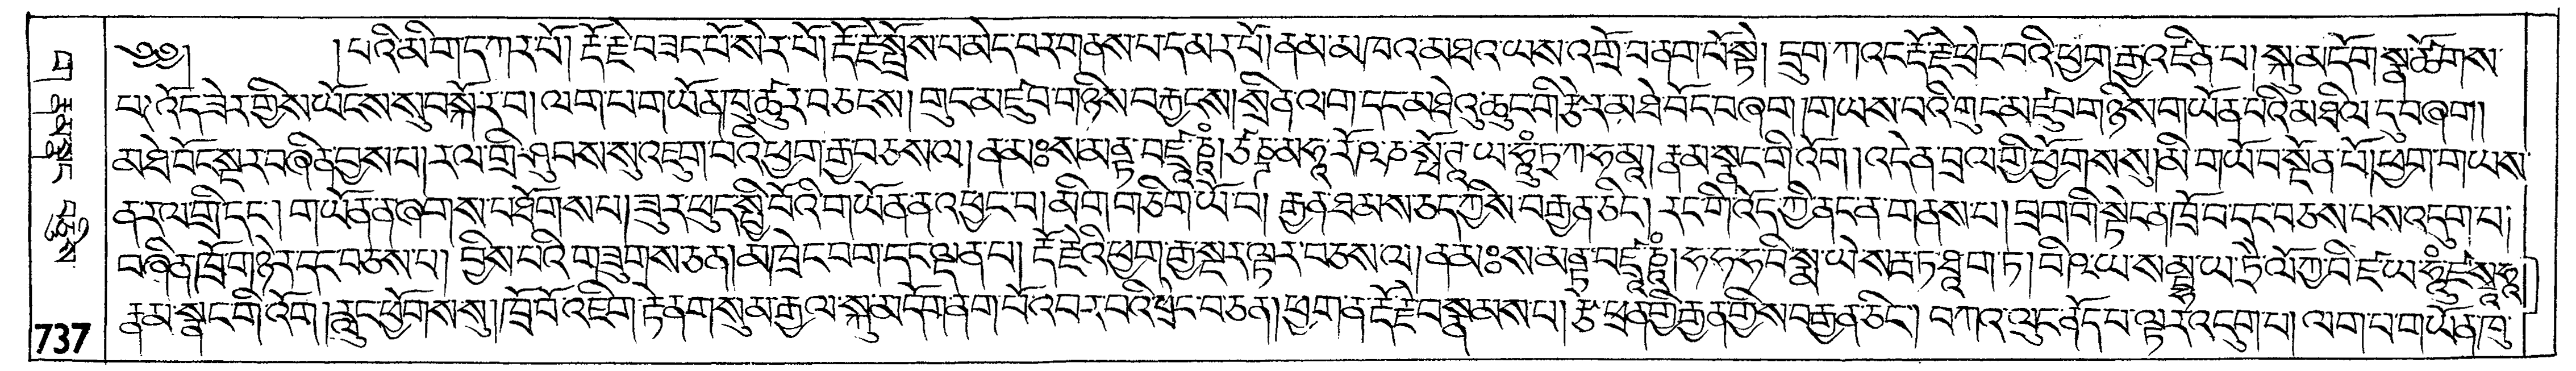༄༅། །པའི་མིག་དཀར་པོ། རྡོ་རྗེ་བཟང་པོ་སེར་པོ། རྡོ་རྗེ་སྤྲོས་པ་མེད་པར་གནས་པ་དམར་པོ། ནམ་མཁའ་མཐའ་ཡས་འགྲོ་བ་ནག་པོ་སྟེ། དྲུག་ཀའང་རྡོ་རྗེ་ཕྲེང་བའི་ཕྱག་རྒྱ་འཛིན་པ། སྐུ་མདོག་སྣ་ཚོགས་
པ༑ འོད་ཟེར་གྱིས་ཡོངས་སུ་བསྐོར་བ། ལག་པ་གཡོན་ཁུ་ཚུར་བཅངས། གུང་མཛུབ་གཉིས་བརྐྱངས། སྲིན་ལག་དང་མཐེའུ་ཆུང་གི་རྩེར་མཐེ་བོང་བཞག །གཡས་པའི་གུང་མཛུབ་གཉིས་གཡོན་པའི་མཐིལ་དུ་བཞག །
མཐེ་བོང་སྔར་བཞིན་བྱས་པ། རལ་གྲི་ཤུབས་སུ་འཇུག་པའི་ཕྱག་རྒྱ་བཅས་ལ། ན་མཿ ས་མནྟ་བཛྲཱ་ཎཱཾ། ཙཎྜ་མཧཱ་རོ་ཥ་ཎ་སྥོ་ཊཱ་ཡ་ཧཱུཾ་ཏྲ་ཀ་ཧ་མཱ། རྣམ་སྣང་གི་འོག །འདེན་བྲལ་གྱི་ཕྱོགས་སུ། མི་གཡོན་བ་སྔོན་པོ། ཕྱག་གཡས་
ན་རལ་གྲི་དང་། གཡོན་ན་ཞགས་པ་ཐོགས་པ། ཟུར་ཕུད་སྤྱི་བོའི་གཡོན་ན་འཕྱང་བ། མིག་གཅིག་ཡོ་བ། རྒྱན་ཐམས་ཅད་ཀྱིས་བརྒྱན་ཅིང་། རང་གི་འོད་ཀྱི་ནང་ན་གནས་པ། བྲག་གི་སྟེང་ན་ཁྲོ་བ་དང་བཅས་པས་འདུག་པ།
བཞིན་ཁྲོ་གཉེར་དང་བཅས་པ། བྱིས་པའི་གཟུགས་ཅན། མཁྲེང་བག་དང་ལྡན་པ། རྡོ་རྗེའི་ཕྱག་རྒྱ་སྔར་ལྟར་བཅས་ལ། ན་མཿ ས་མནྟ་བཛྲཱ་ཎཱཾ། ཧ་ཧ་ཧ་བི་སྨ་ཡེ་སརྦ་ཏ་ཐཱ་ག་ཏ། བི་ཥ་ཡ་སམྦྷ་ཡ་ཏྲཻ་ལོ་ཀྱ་བི་ཛ་ཡ་ཧཱུཾ་ཛ་སྭཱཧཱ།
རྣམ་སྣང་གི་འོག །རླུང་ཕྱོགས་སུ། ཁྲོ་བོ་འཇིག་རྟེན་གསུམ་རྒྱལ་སྐུ་མདོག་ནག་པོ་འབར་བའི་ཕྲེང་བ་ཅན། ཕྱག་ན་རྡོ་རྗེ་བསྣམས་པ། རྩེ་ཕྲན་གྱི་རྒྱན་གྱིས་བརྒྱན་ཅིང་། བཀའ་ལུང་ནོད་པ་ལྟར་འདུག་པ། ལག་པ་གཡོན་ཁུ་